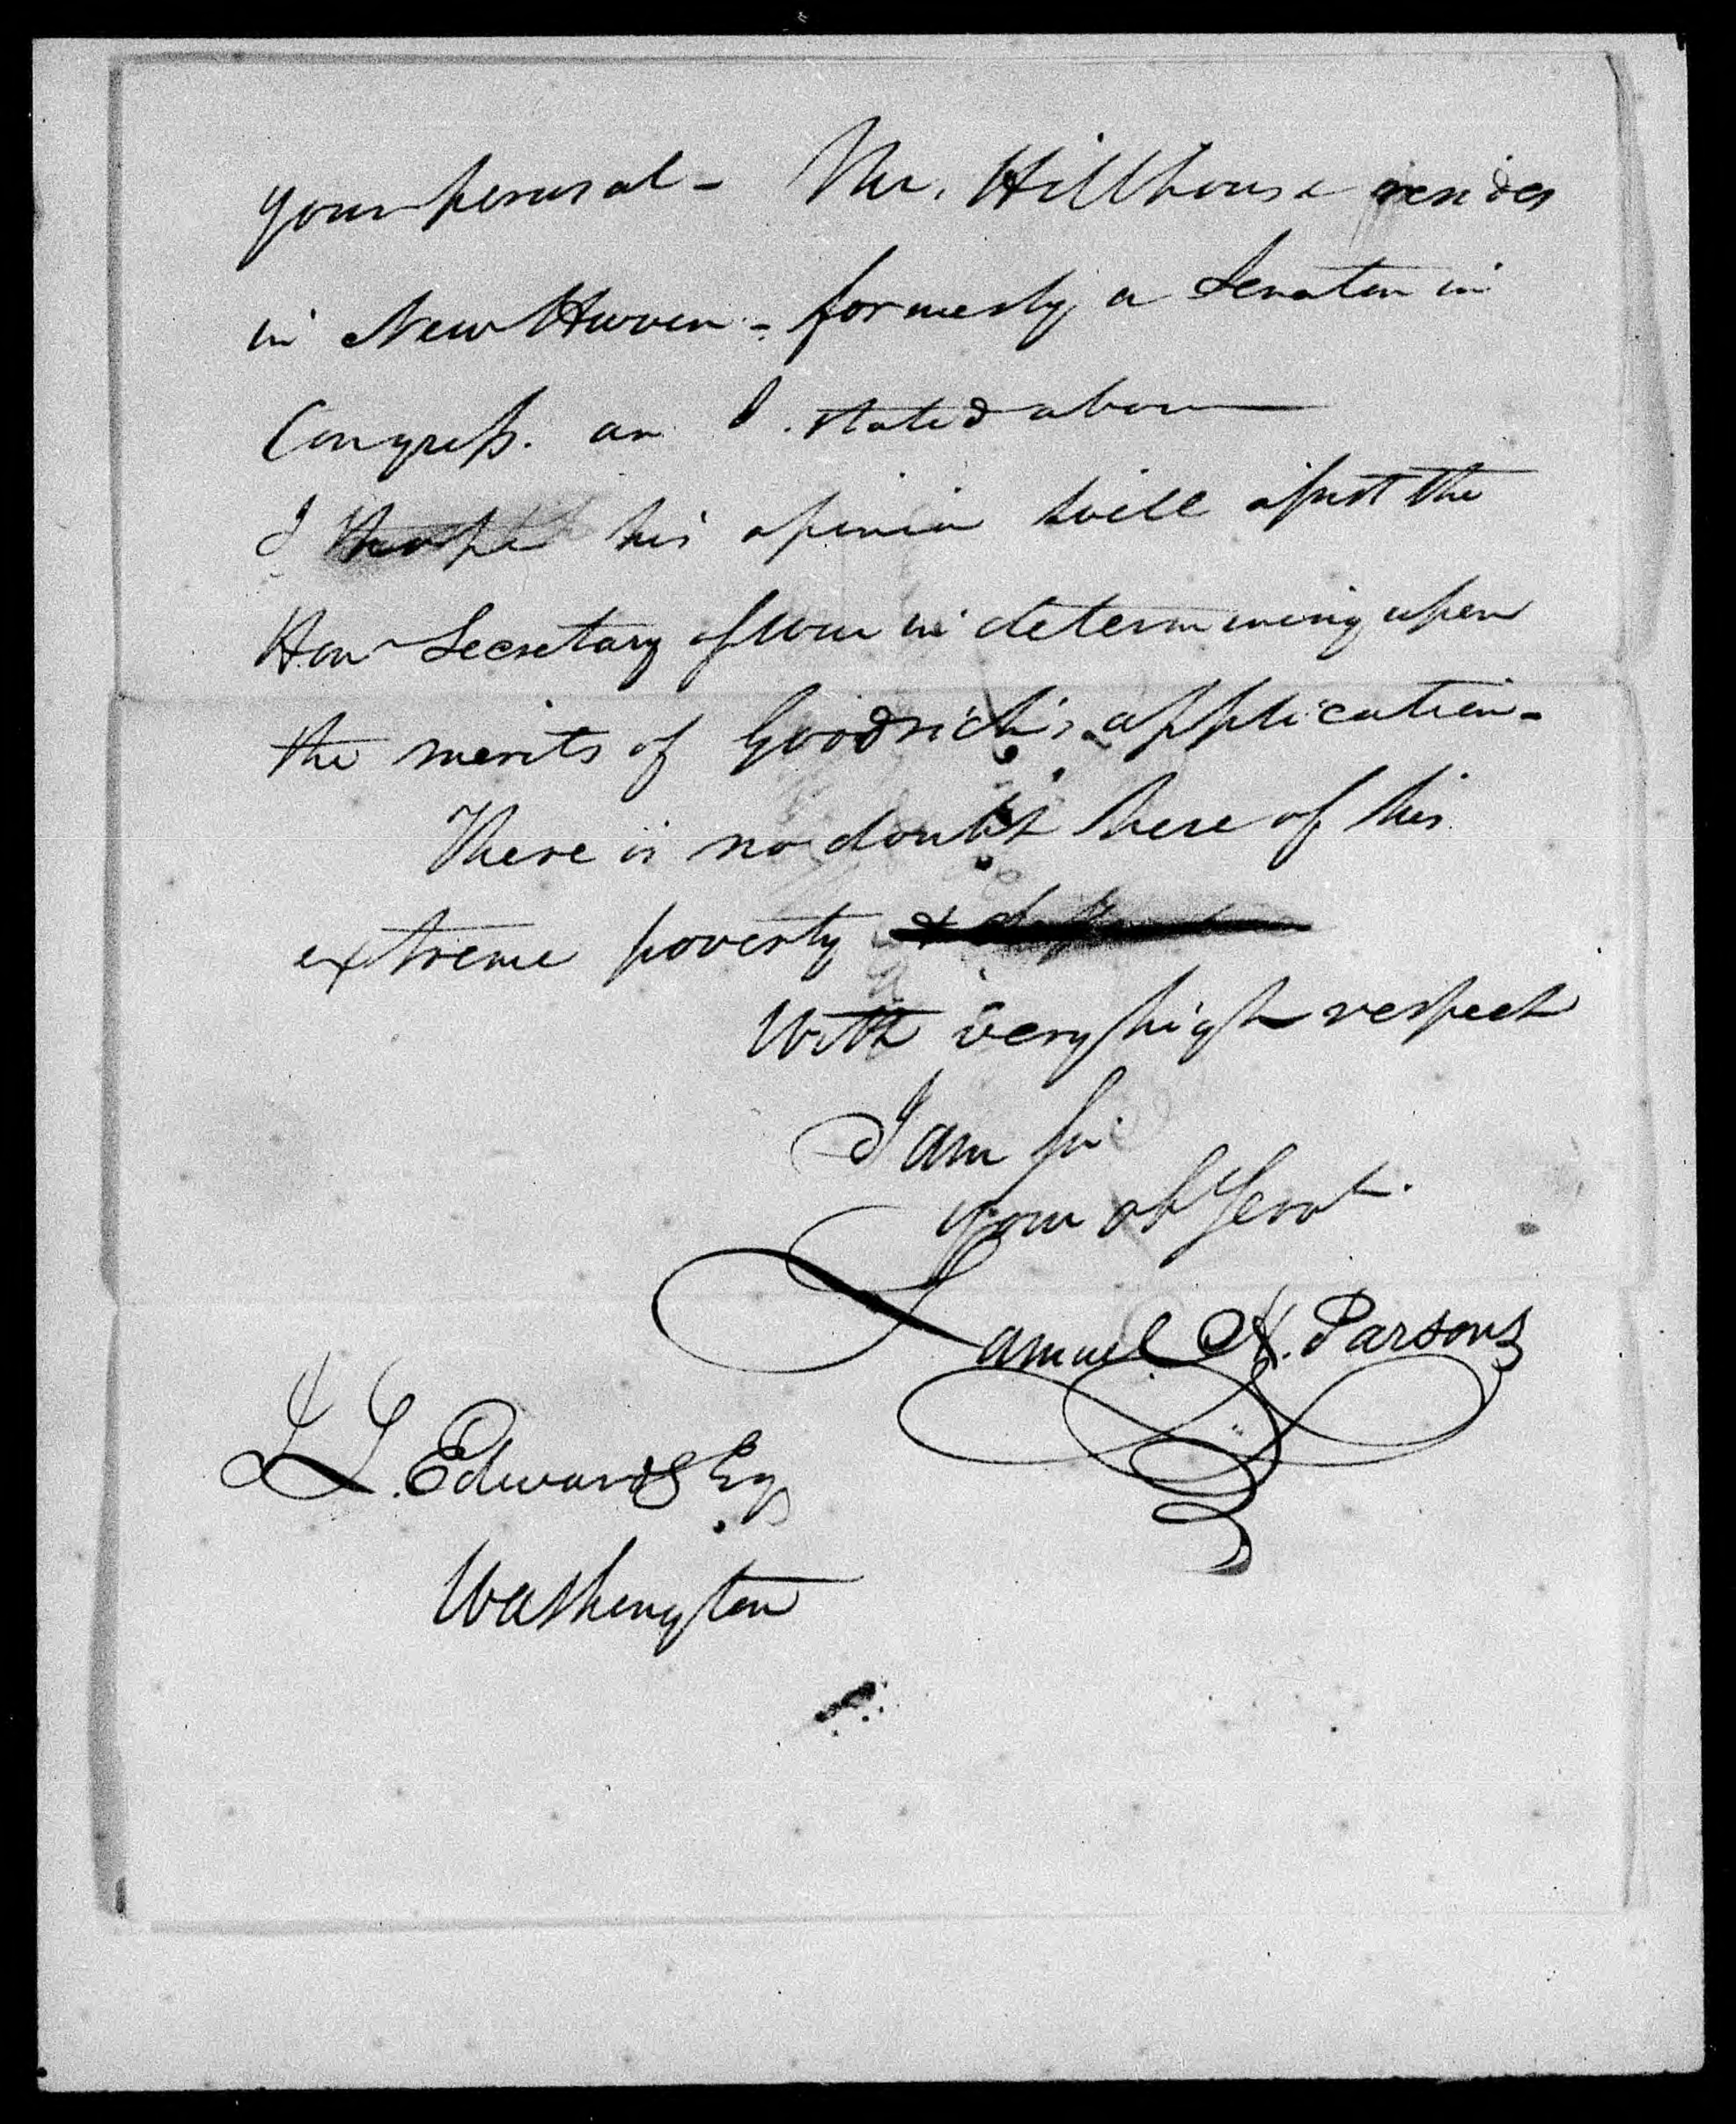your perusal. Mr. Hillhouse resides in New Haven, formerly a senator in Congress as I stated above.

I hope his opinion will assist the Hon Secretary of War in determining upon the merits of Goodrich's application.
There is no doubt hereof his extreme poverty & debt.
With very high respect,
I am sir
Your ob servt
Samuel H Parsons

J. L. Edwards Esq
Washington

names: Samuel H Parsons, J L Edwards, Hillhouse, Goodrich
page: 37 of 46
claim: survivor's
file: S. 36,556, Ichabod Goodrich, Conn.